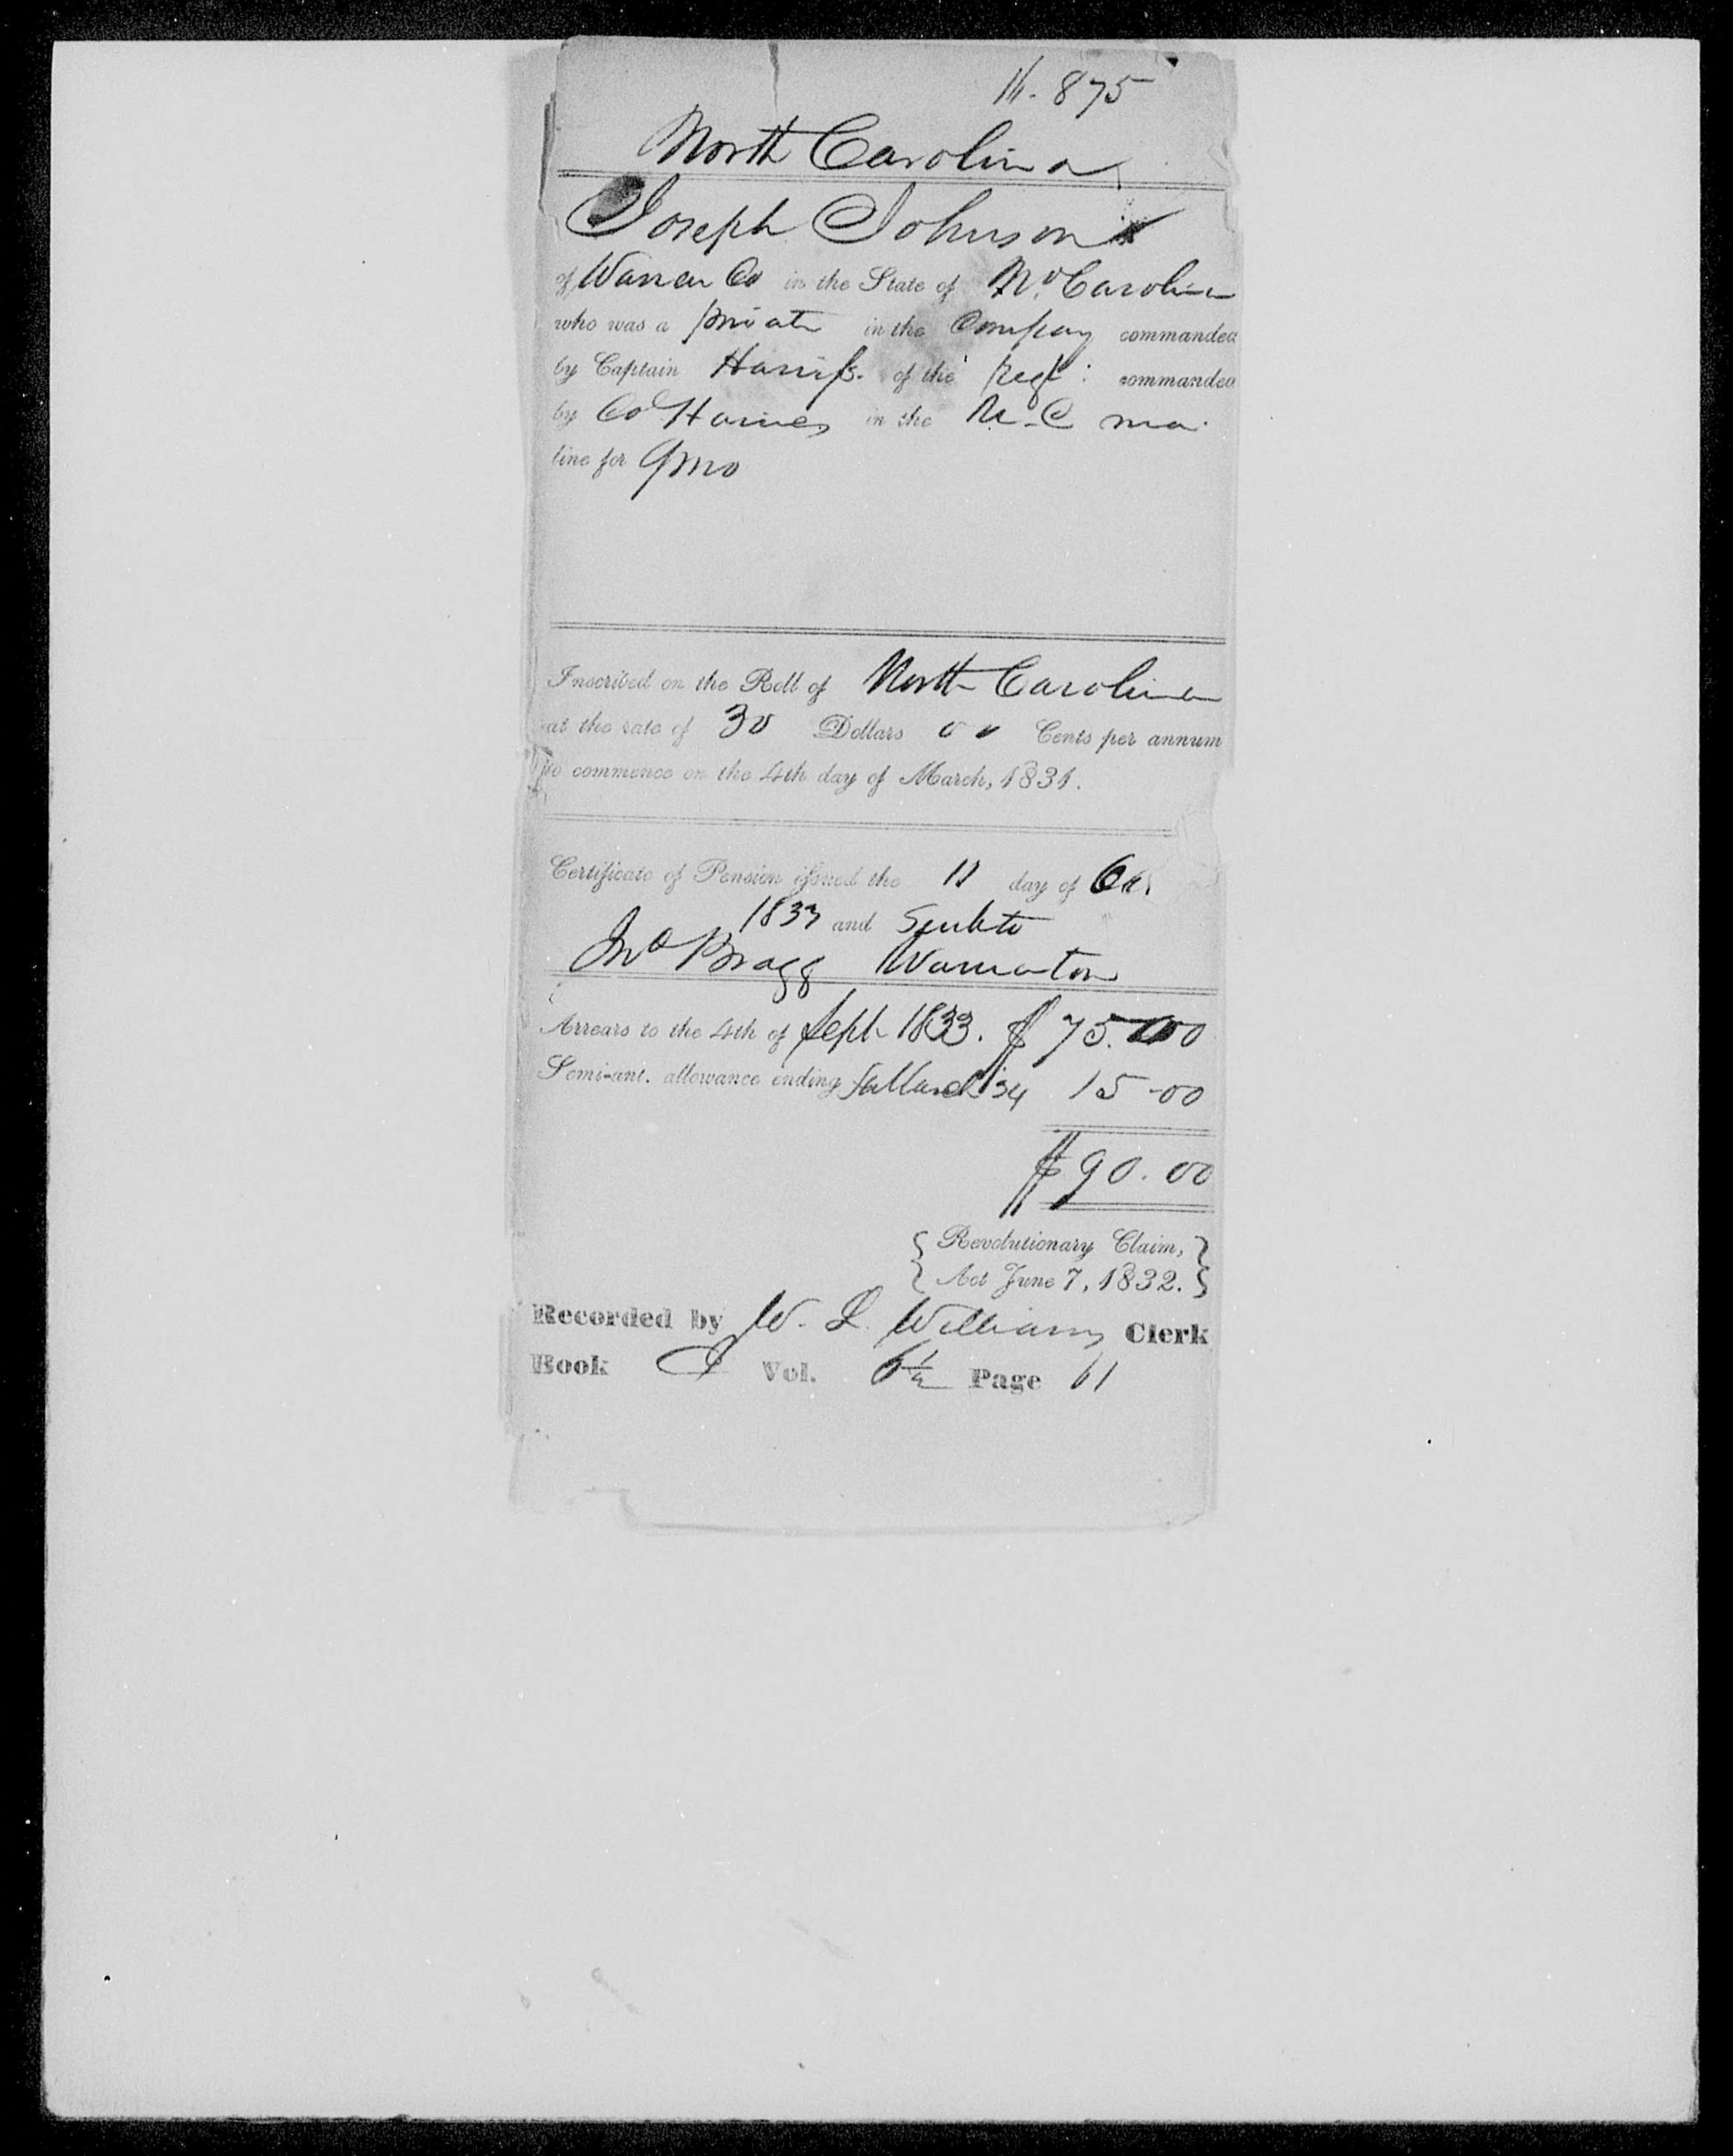(1/1.) 875

North Carolina
----------------------------------------------------
Joseph Johnson
of Wanen (?) in the State of N. Carolina
who was a (Ioniat) in the (?) commanded
by Captain Hanifs of the (Regf) : commanded
by Col. Haines in the N.C ma
line for Jmo

----------------------------------------------------
Inscribed on the Roll of North Carolina
at the rate of 30 Dollars 00 Cents per annum
commence on the 4th day of March, 1831.
----------------------------------------------------
Certificate of Pension (?) the 11 day of 6(?)
1833 and (Spulete)
(Jno Bass) Wamata
----------------------------------------------------
(Arreats) to the 4th of (Sefel) 1833 $75.00
Pemi-ant. allowance ending (fallan 54) 15.00
$90.00
Revolutionary Claim,
Act June 7, 1832.
Recorded by W.L. William Clerk
Book (9) Vol. 6 1/2 Page 61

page: 2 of 9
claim: survivor's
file: S. 7085, for Joseph Johnson, North Carolina